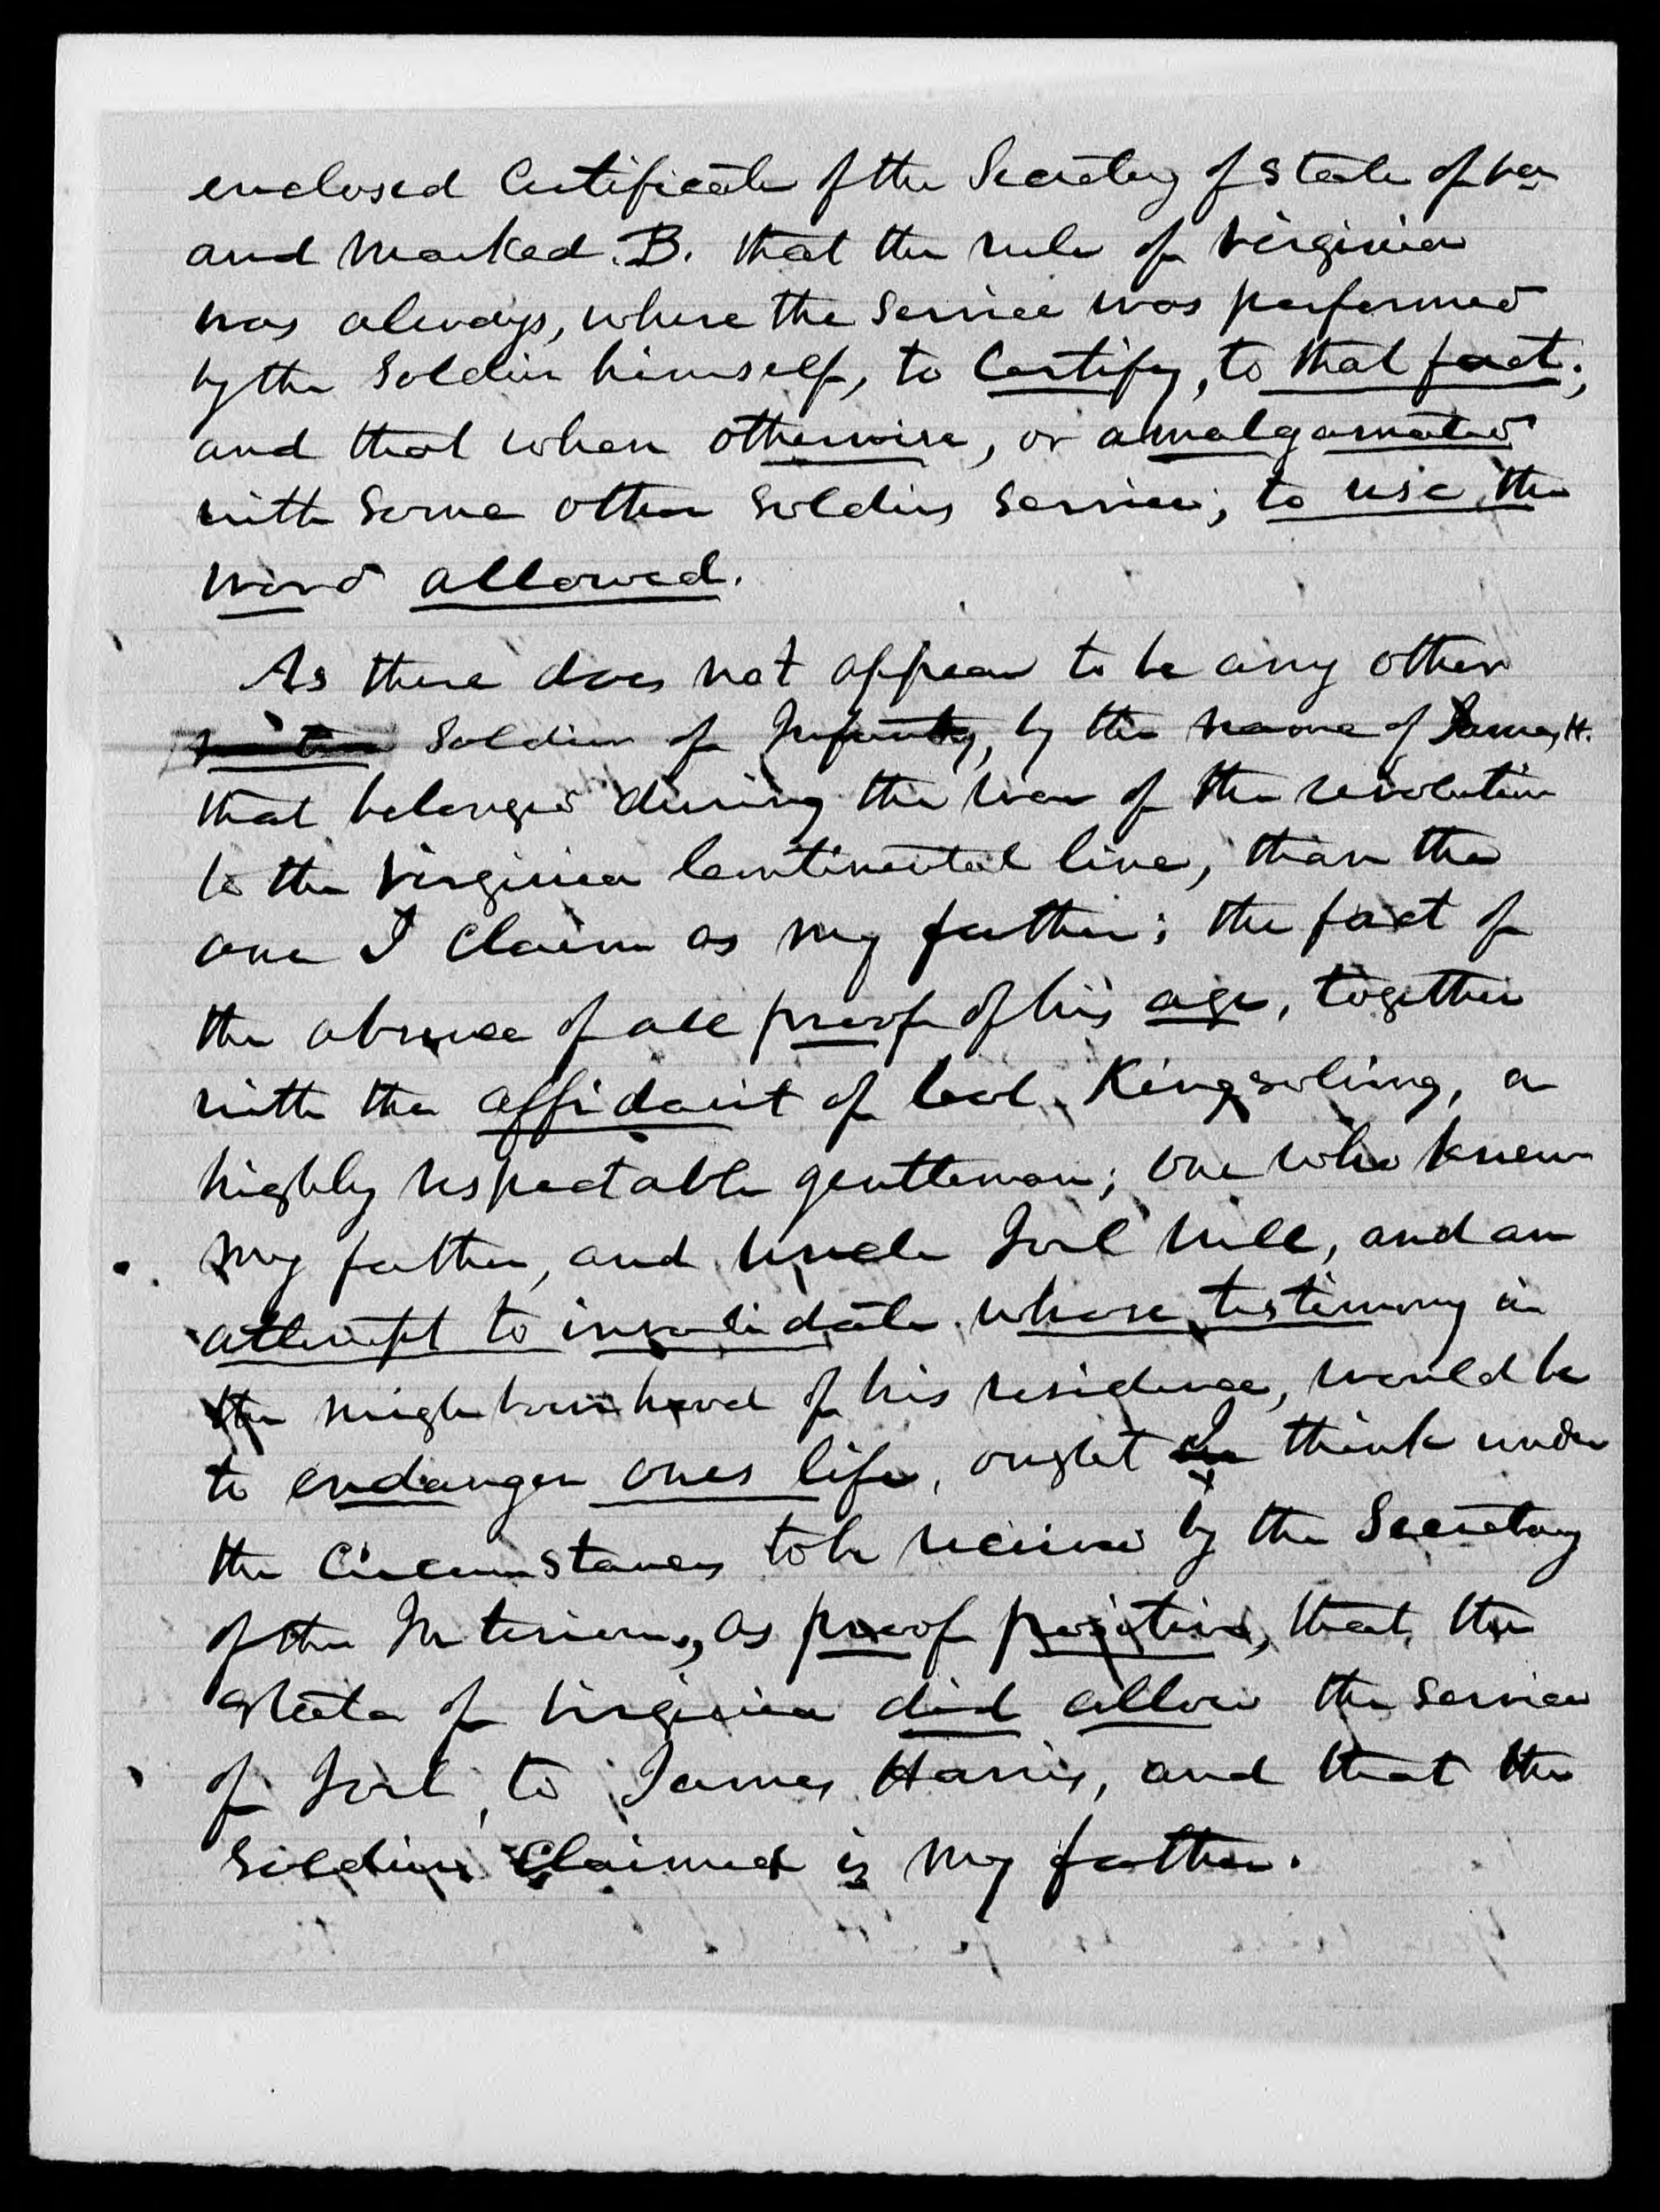enclosed certificate of the Secretary of State of Va. and marked B that the rule of Virginia was always, where the service was performed by the soldier himself, to certify, to that fact; and that when otherwise, or amalgamated with some other soldiers service, to use the  word allowed.
   As there does not appear to be any other soldier of Infantry by the name of James H. that belonged during the War of the Revolution to the Virginia Continental line, than the one I claim as my father, the fact of the absence of all proof of his age, together with the affidavit of Col. Kingsolving, a highly respectable gentleman; one who knew my father, and uncle Joel will, and an attempt to invalidate whose testimony in the neighborhood of his residence, would be to endanger ones life, ought  I think under the circumstances to be received by the Secretary of the Interior, as proof positive that the State of Virginia did allow the service of Joel to James Harris, and that this soldier's claim is my fathers.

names: James H, Kingsolving, Joel, James Harris, Joel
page: 29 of 160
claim: rejected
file: R. 4666, James Harris, Va.